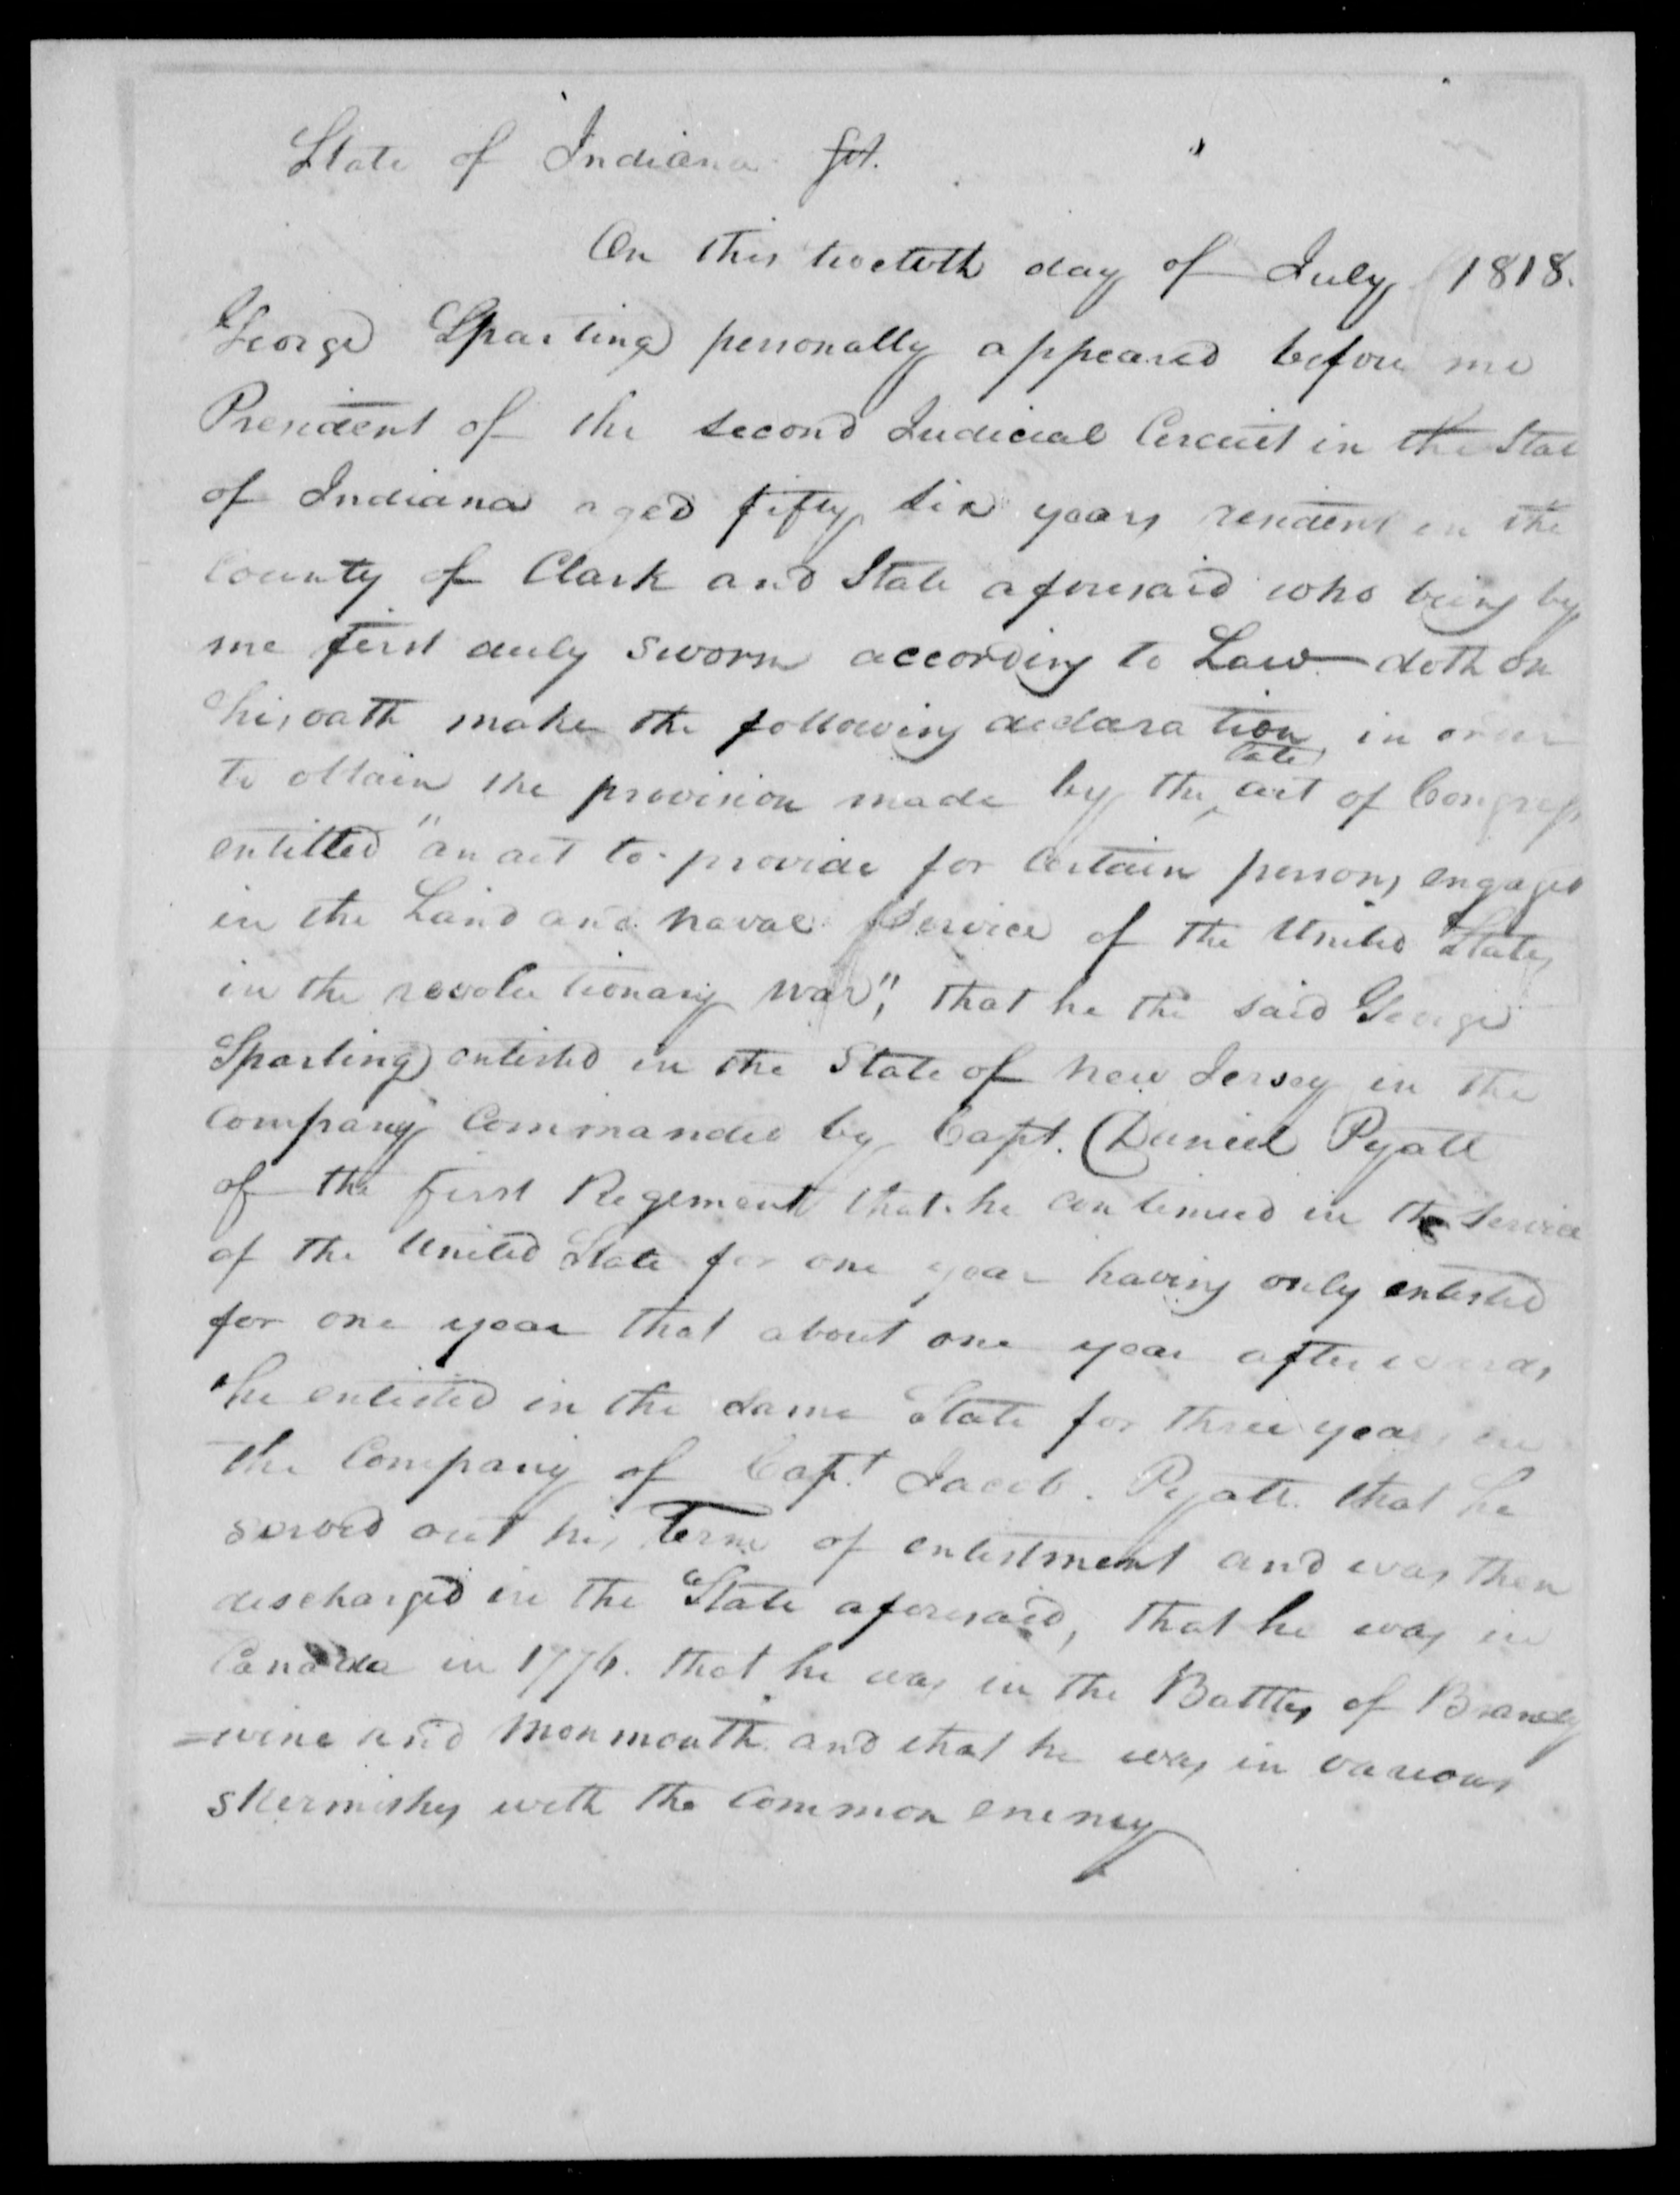State of Indiana SS

On the twelfth day of July 1818. I George Sparling personally appeared before me President of  the second Judicial Circuit in the State of Indiana aged fifty six years resident in the County of Clark and State aforesaid who being by me first duly sworn according to Law doth in his oath make the following declaration in order to obtain the provision made by the late act of Congress entitled "an act to provide for certain persons engaged in the Land and naval service of the United States in the revolutionary war," that he the said George Sparling enlisted in the State of New Jersey in the Company commanded by Capt. Daniel Pyatt of the first Regement (sic) that he enlisted in the service of the United State (sic) for one year having only enlisted for one year hat about one year afterward he enlisted in the Same State for three years in the Company of Capt. Jacob Pyatt that he served out his term of enlistment and was then discharged in the State aforesaid, that he was in Canada in 1776.that he was in the Battle of Brandywine and Monmouth and that he was in various skirmishes with the common enemy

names: George Sparling; Jacob Pyatt; Daniel Pyatt; George Sparling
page: 5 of 20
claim: survivor's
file: S. 36,783, for George Sparling, New Jersey